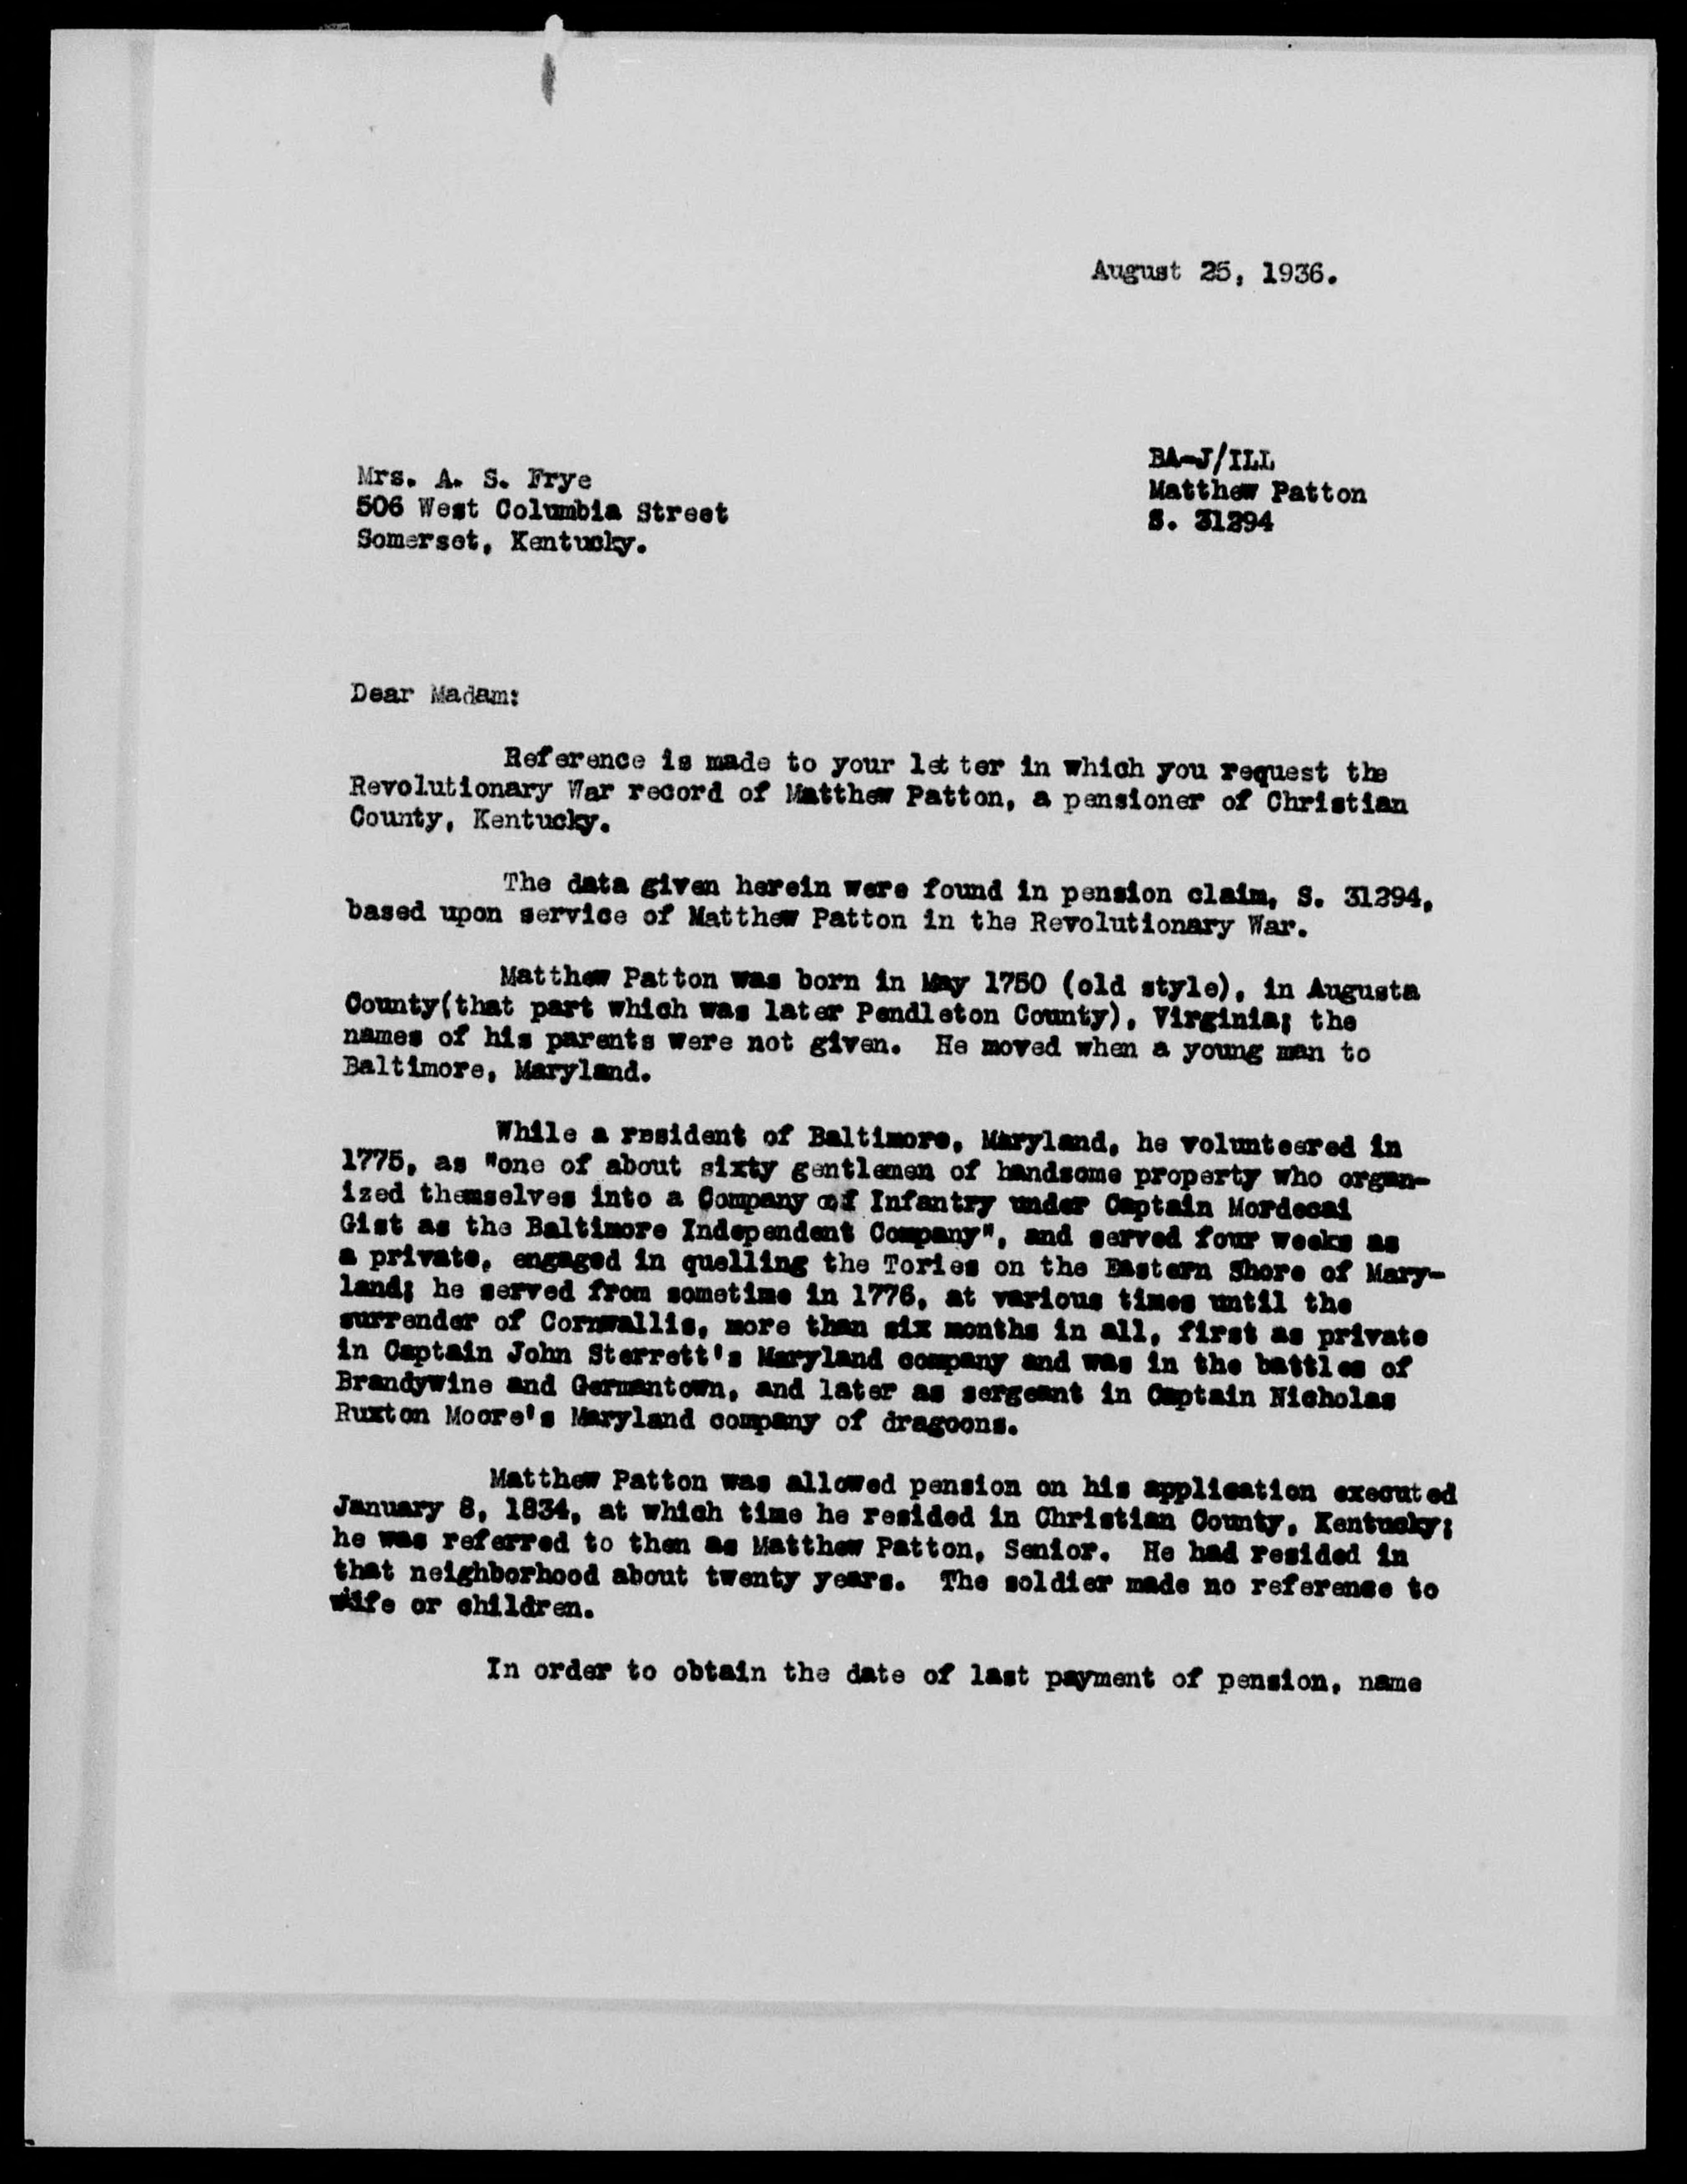August 25, 1936.

Mrs. A. S. Frye
506 West Columbia Street
Somerset, Kentucky.

Dear Madam:

Reference is made to your letter in which you request the Revolutionary War record of Matthew Patton, a pensioner of Christian County, Kentucky.

The data given herein were found in pension claim, S. 3194, based upon service of Matthew Patton in the Revolutionary War.

Matthew Patton was born in May 1750 (old style), in Augusta County (that part which was later Pendleton County), Virginia; the names of his parents were not given. He moved when a young man to Baltimore, Maryland.

While a resident of Baltimore, Maryland, he volunteered in 1775, as a member of about sixty gentlemen of independent property who organized themselves into a company of infantry under Captain Mordecai Gist at the Baltimore Independent Company. He served four weeks as a private, engaged in quelling the Tories on the Eastern Shore of Maryland; he served from sometime in 1776, at various times, Stuart or Stuart's command of Cortnill's, more than six months in all, first as private in Captain John Sterrett's Maryland company and was in the battles of Brandywine and Germantown, and later as sergeant in Captain Nicholas Ruxton Moore's Maryland company of dragoons.

Matthew Patton was allowed pension on his application executed January 8, 1834, at which time he resided in Christian County, Kentucky; he was referred to then as Matthew Patton, Senior. He had resided in that neighborhood about twenty years. The soldier made no reference to wife or children.

In order to obtain the date of last payment of pension, name---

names: [BLANK] Cornwallis; Mordecai Gist; Matthew Patton; A S Frye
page: 38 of 45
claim: survivor's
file: S. 31294, for Matthew Patton, Maryland